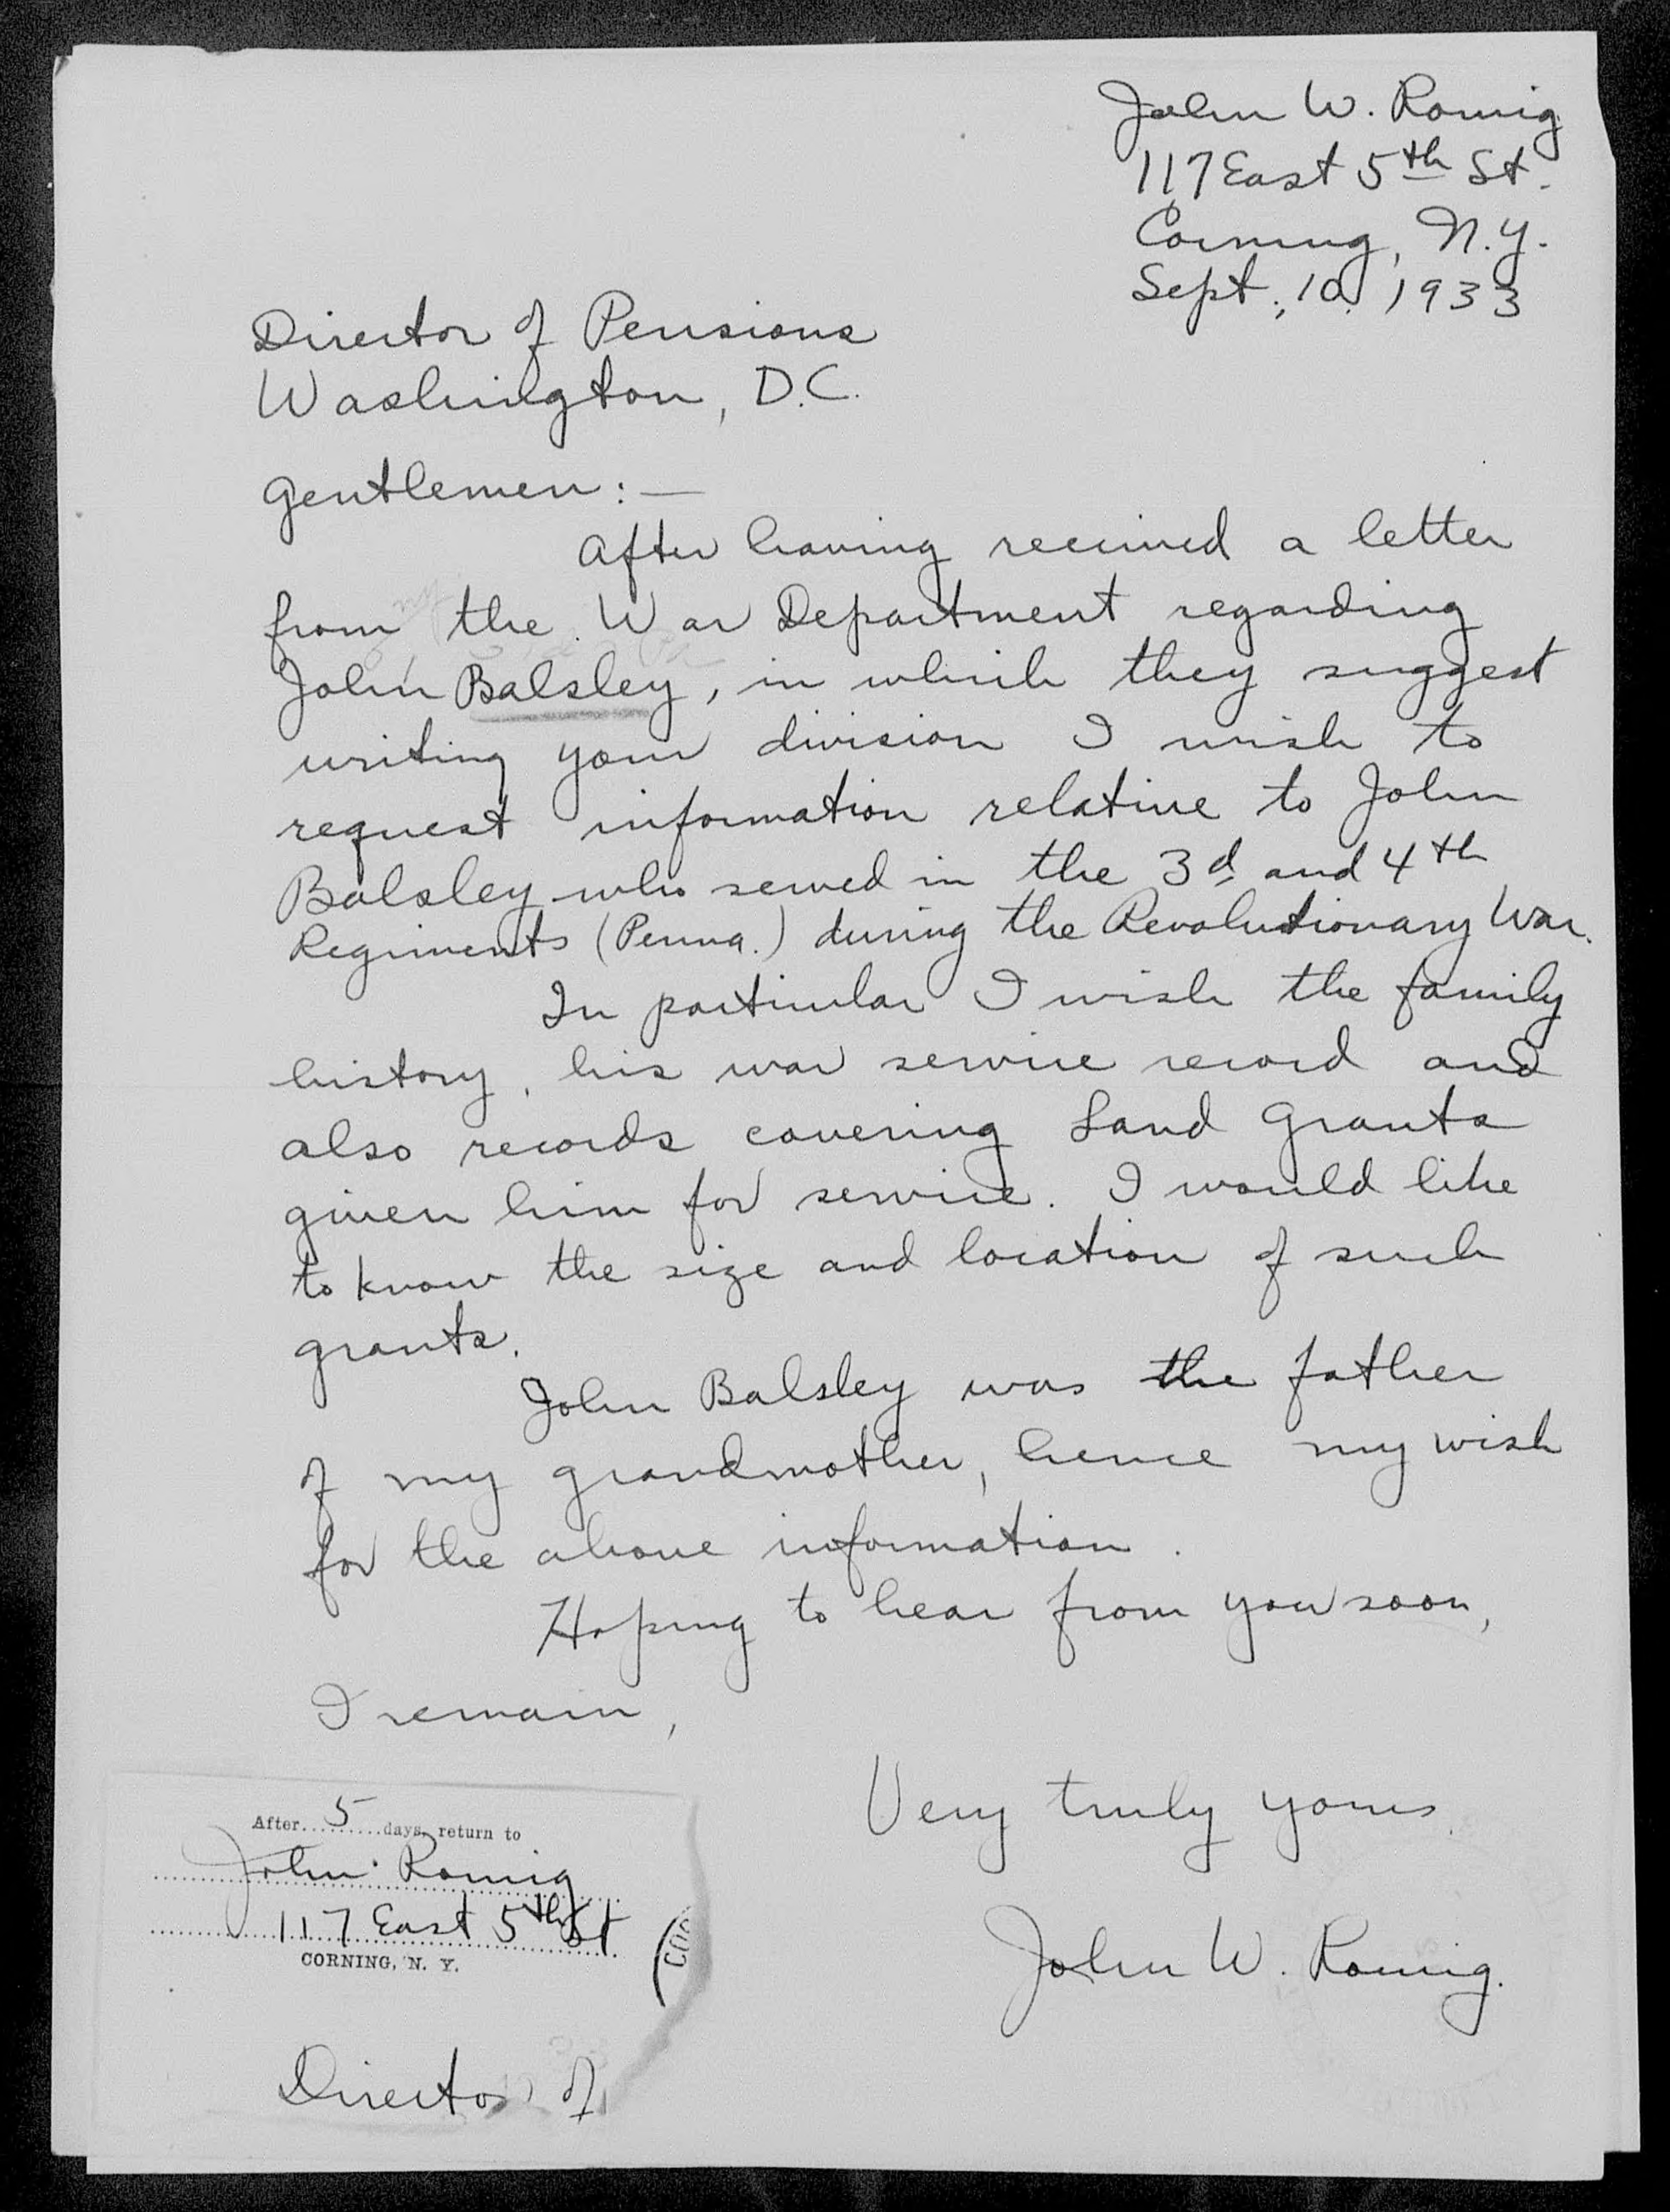John W. Romig
117 East 5th St
Corning, N.Y.
Sept. 10. 1933

Director of Pensions
Washington, D.C.
Gentlemen:
-
After having received a letter
from the War Department regarding
John Balsley, in which they suggest writing your division I wish to request information relative to John Balsley who served in the 3d and Regiments (Penna. during the Revolutionary War.

In particular I wish the family
history, his war service record and also records covering land grants given him for service.
I would like to know the size and location of such grants
John Balsley was the father
of my grandmother, hence
my wish for the above information
Hoping to hear from you soon
I remain

Very truly yours
John W. Romig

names: John W Romig, John Romig, John Balsley, John Balsley, John Balsley, John W Romig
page: 3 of 4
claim: bounty land warrant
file: Bl Wt 8999-100, John Balsley, Pa.